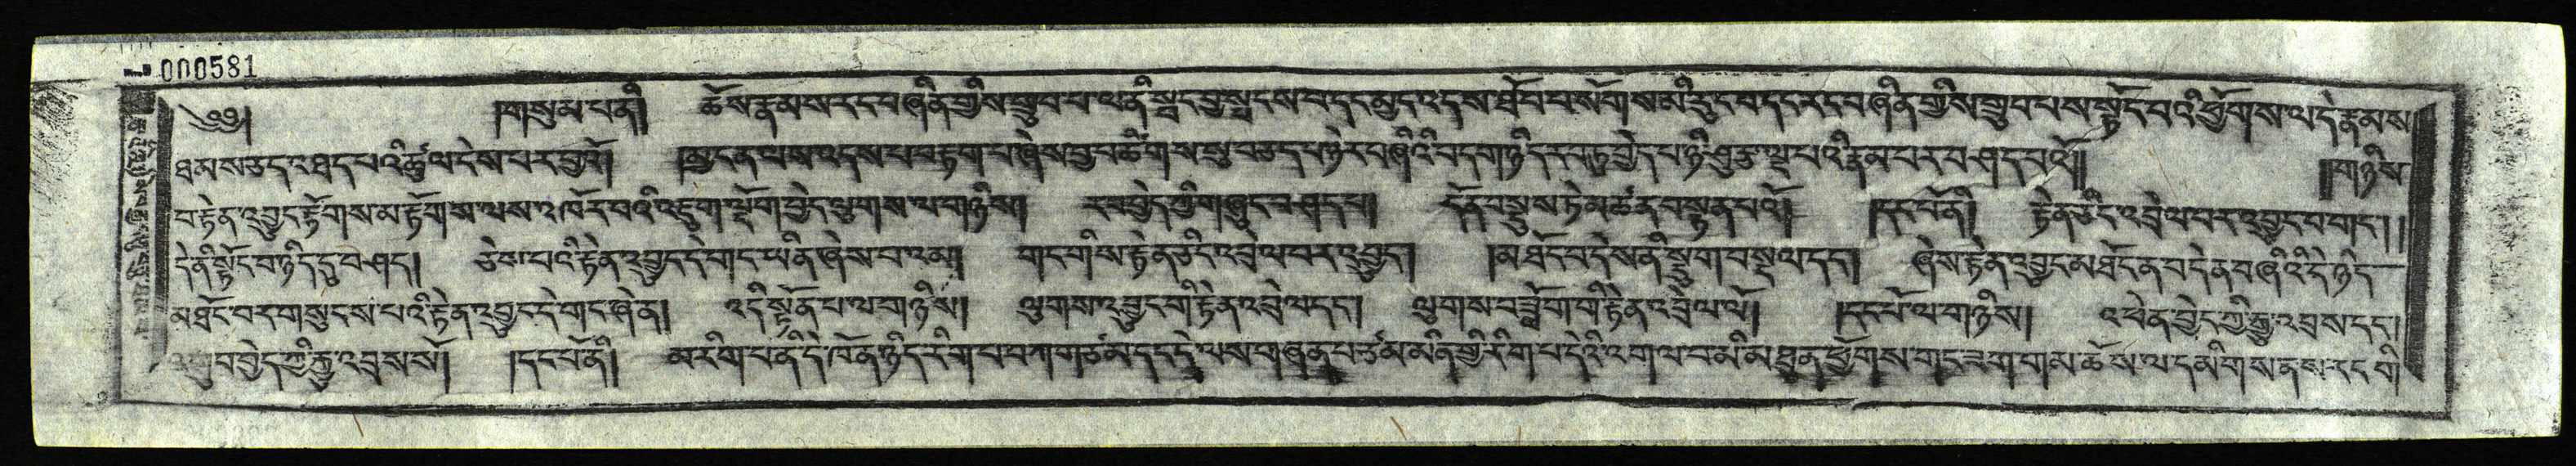༄༅། །གསུམ་པ་ནི། ཆོས་རྣམས་རང་བཞིན་གྱིས་གྲུབ་པ་ལ་ནི་སྤང་བྱ་སྤངས་པ་དང་མྱང་འདས་ཐོབ་པ་སོགས་མི་རུང་བ་དང་རང་བཞིན་གྱིས་གྲུབ་པས་སྟོང་པའི་ཕྱོགས་ལ་དེ་རྣམས་
ཐམས་ཅད་འཐད་པའི་ཚུལ་ངེས་པར་བྱའོ། །མྱ་ངན་ལས་འདས་པ་བརྟག་པ་ཞེས་བྱ་བ་ཚིགས་སུ་བཅད་པ་ཉེར་བཞིའི་བདག་ཉིད་རབ་ཏུ་བྱེད་པ་ཉི་ཤུ་རྩ་ལྔ་པའི་རྣམ་པར་བཤད་པའོ།། །།གཉིས་
བརྟེན་འབྱུང་རྟོགས་མ་རྟོགས་ལས་འཁོར་བའི་འཇུག་ལྡོག་བྱེད་ལུགས་ལ་གཉིས། རབ་བྱེད་ཀྱི་གཞུང་བཤད་པ། དོན་བསྡུས་ཏེ་མཚན་བསྟན་པའོ། །དང་པོ་ནི། རྟེན་ཅིང་འབྲེལ་བར་འབྱུང་བ་གང་། །
དེ་ནི་སྟོང་པ་ཉིད་དུ་བཤད། ཅེས་པའི་རྟེན་འབྱུང་དེ་གང་ཡིན་ཞེས་པའམ། གང་གིས་རྟེན་ཅིང་འབྲེལ་བར་འབྱུང་། །མཐོང་བ་དེས་ནི་སྡུག་བསྔལ་དང་། ཞེས་རྟེན་འབྱུང་མཐོང་ན་བདེན་བཞིའི་དེ་ཉིད་
མཐོང་བར་གསུངས་པའི་རྟེན་འབྱུང་དེ་གང་ཞེ་ན། འདི་སྟོན་པ་ལ་གཉིས། ལུགས་འབྱུང་གི་རྟེན་འབྲེལ་དང་། ལུགས་བཟློག་གི་རྟེན་འབྲེལ་ལོ། །དང་པོ་ལ་གཉིས། འཕེན་བྱེད་ཀྱི་རྒྱུ་འབྲས་དང་།
འགྲུབ་བྱེད་ཀྱི་རྒྱུ་འབྲས་སོ། །དང་པོ་ནི། མ་རིག་པ་ནི་དེ་ཁོ་ན་ཉིད་རིག་པ་བཀག་ཙམ་དང་དེ་ལས་གཞན་པ་ཙམ་མིན་གྱི་རིག་པ་དེའི་འགལ་བ་མི་མཐུན་ཕྱོགས་གང་ཟག་གམ་ཆོས་ལ་དམིགས་ནས་རང་གི་